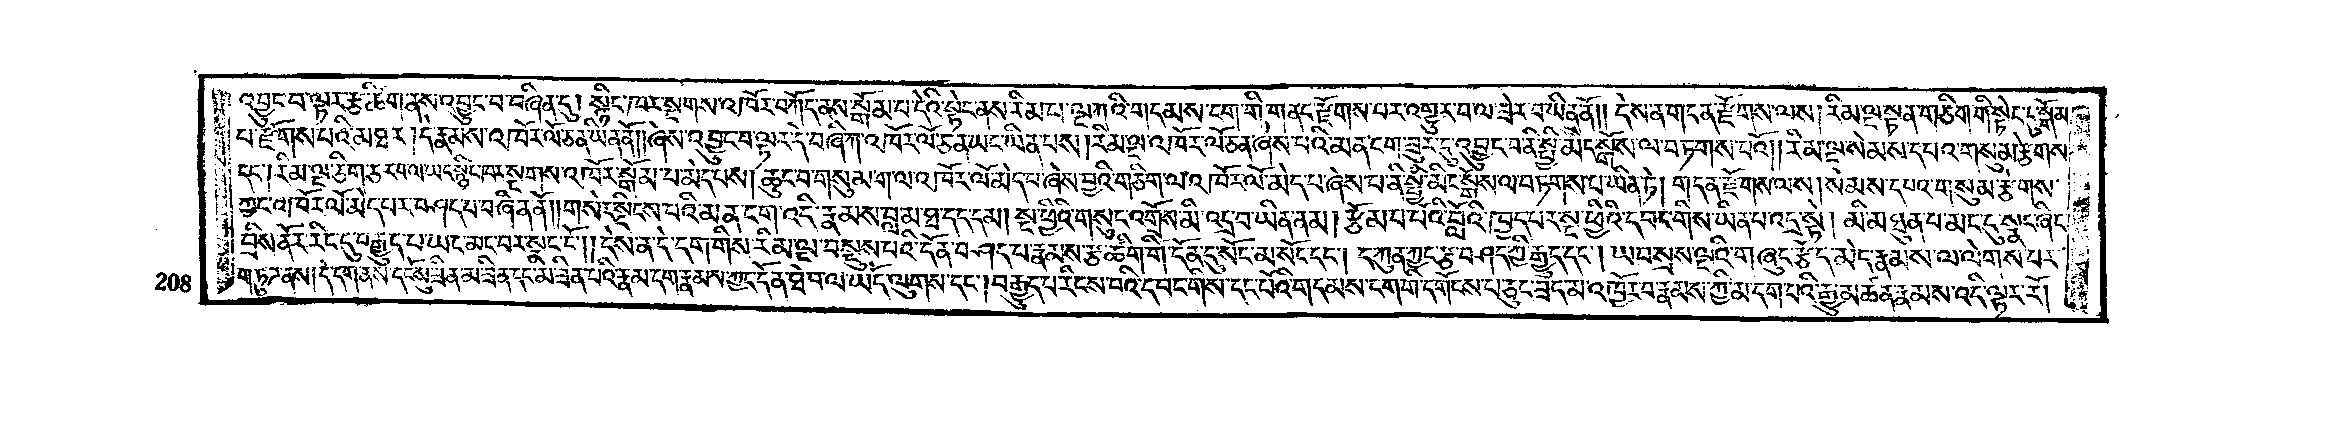འབྱུང་བ་ལྟར་རྩ་ཚིག་ནས་འབྱུང་བ་བཞིན་དུ། སྙིང་ཁར་སྔགས་འཁོར་བཀོད་ནས་སྒོམ་པ་དེའི་སྟེང་ནས་རིམ་པ་ལྔ་ཀའི་གདམས་ངག་གི་གནང་རྫོགས་པར་འགྱུར་བ་ལ་ཟེར་བ་ཡིན་ནོ། །དེས་ན་གདན་རྫོགས་ལས། རིམ་ལྔ་སྟན་གཅིག་གི་སྟེང་དུ་སྒོམ་
པ་རྫོགས་པའི་མཐར། དེ་རྣམས་འཁོར་ལོ་ཅན་ཡིན་ནོ། །ཞེས་འབྱུང་བ་ལྟར་དེ་བཞི་ཀ་འཁོར་ལོ་ཅན་ཡང་ཡིན་པས། རིམ་ལྔ་འཁོར་ལོ་ཅན་ཞེས་པའི་མན་ངག་ཟུར་དུ་འབྱུང་བ་ནི་སྤྱི་མིང་སྒོས་ལ་བཏགས་པའོ། །རིམ་ལྔ་སེམས་དཔའ་གསུམ་རྩེགས་
དང་། རིམ་ལྔ་ཅིག་ཅར་བ་ལ་ཡང་སྙིང་ཁར་སྔགས་འཁོར་སྒོམ་པ་མེད་པས། ཆུང་བ་གསུམ་ག་ལ་འཁོར་ལོ་མེད་པ་ཞེས་བྱའི་གཅིག་ལ་འཁོར་ལོ་མེད་པ་ཞེས་པ་ནི་སྤྱི་མིང་སྒོས་ལ་བཏགས་པ་ཡིན་ཏེ། གདན་རྫོགས་ལས། སེམས་དཔའ་གསུམ་རྩེགས་
ཀྱང་འཁོར་ལོ་མེད་པར་བཤད་པ་བཞིན་ནོ། །གསེར་སྡིངས་པའི་མན་ངག་འདི་རྣམས་བླ་མ་ཐ་དད་དམ། སྔ་ཕྱིའི་གསུང་འགྲོས་མི་འདྲ་བ་ཡིན་ནམ། རྩོམ་པ་པོའི་བློའི་ཁྱད་པར་སྔ་ཕྱིའི་དབང་གིས་ཡིན་པ་འདྲ་སྟེ། མི་མཐུན་པ་མང་དུ་སྣང་ཞིང་
བྲིས་ནོར་རིང་དུ་བརྒྱུད་པ་ཡང་མང་བར་སྣང་ངོ། །དེས་ན་དེ་དག་གིས་རིམ་ལྔ་བསྡུས་པའི་དོན་བཤད་པ་རྣམས་རྩ་ཚིག་གི་དོན་དུ་སོང་མ་སོང་དང་། ད་ཀུན་ཀྱང་རྩ་བཤད་ཀྱི་རྒྱུད་དང་། ཡབ་སྲས་ལྔའི་གཞུང་རྩོད་མེད་རྣམས་ལ་ལེགས་པར་
གཏུགས་ནས། དེ་དག་ནས་དངོས་སུ་ཟིན་མ་ཟིན་དང་མ་ཟིན་པའི་རྣམ་དག་རྣམས་ཀྱང་དོན་ཐེབ་ལ་ཡོད་ལུགས་དང་། བརྒྱུད་པ་རིངས་པའི་དབང་གིས་དང་པོའི་གདམས་ངག་གི་དགོངས་པ་ཅུང་ཟད་མ་འཁྱོར་བ་རྣམས་ཀྱི་མ་དག་པའི་རྒྱུ་མཚན་རྣམས་འདི་ལྟར་རོ།